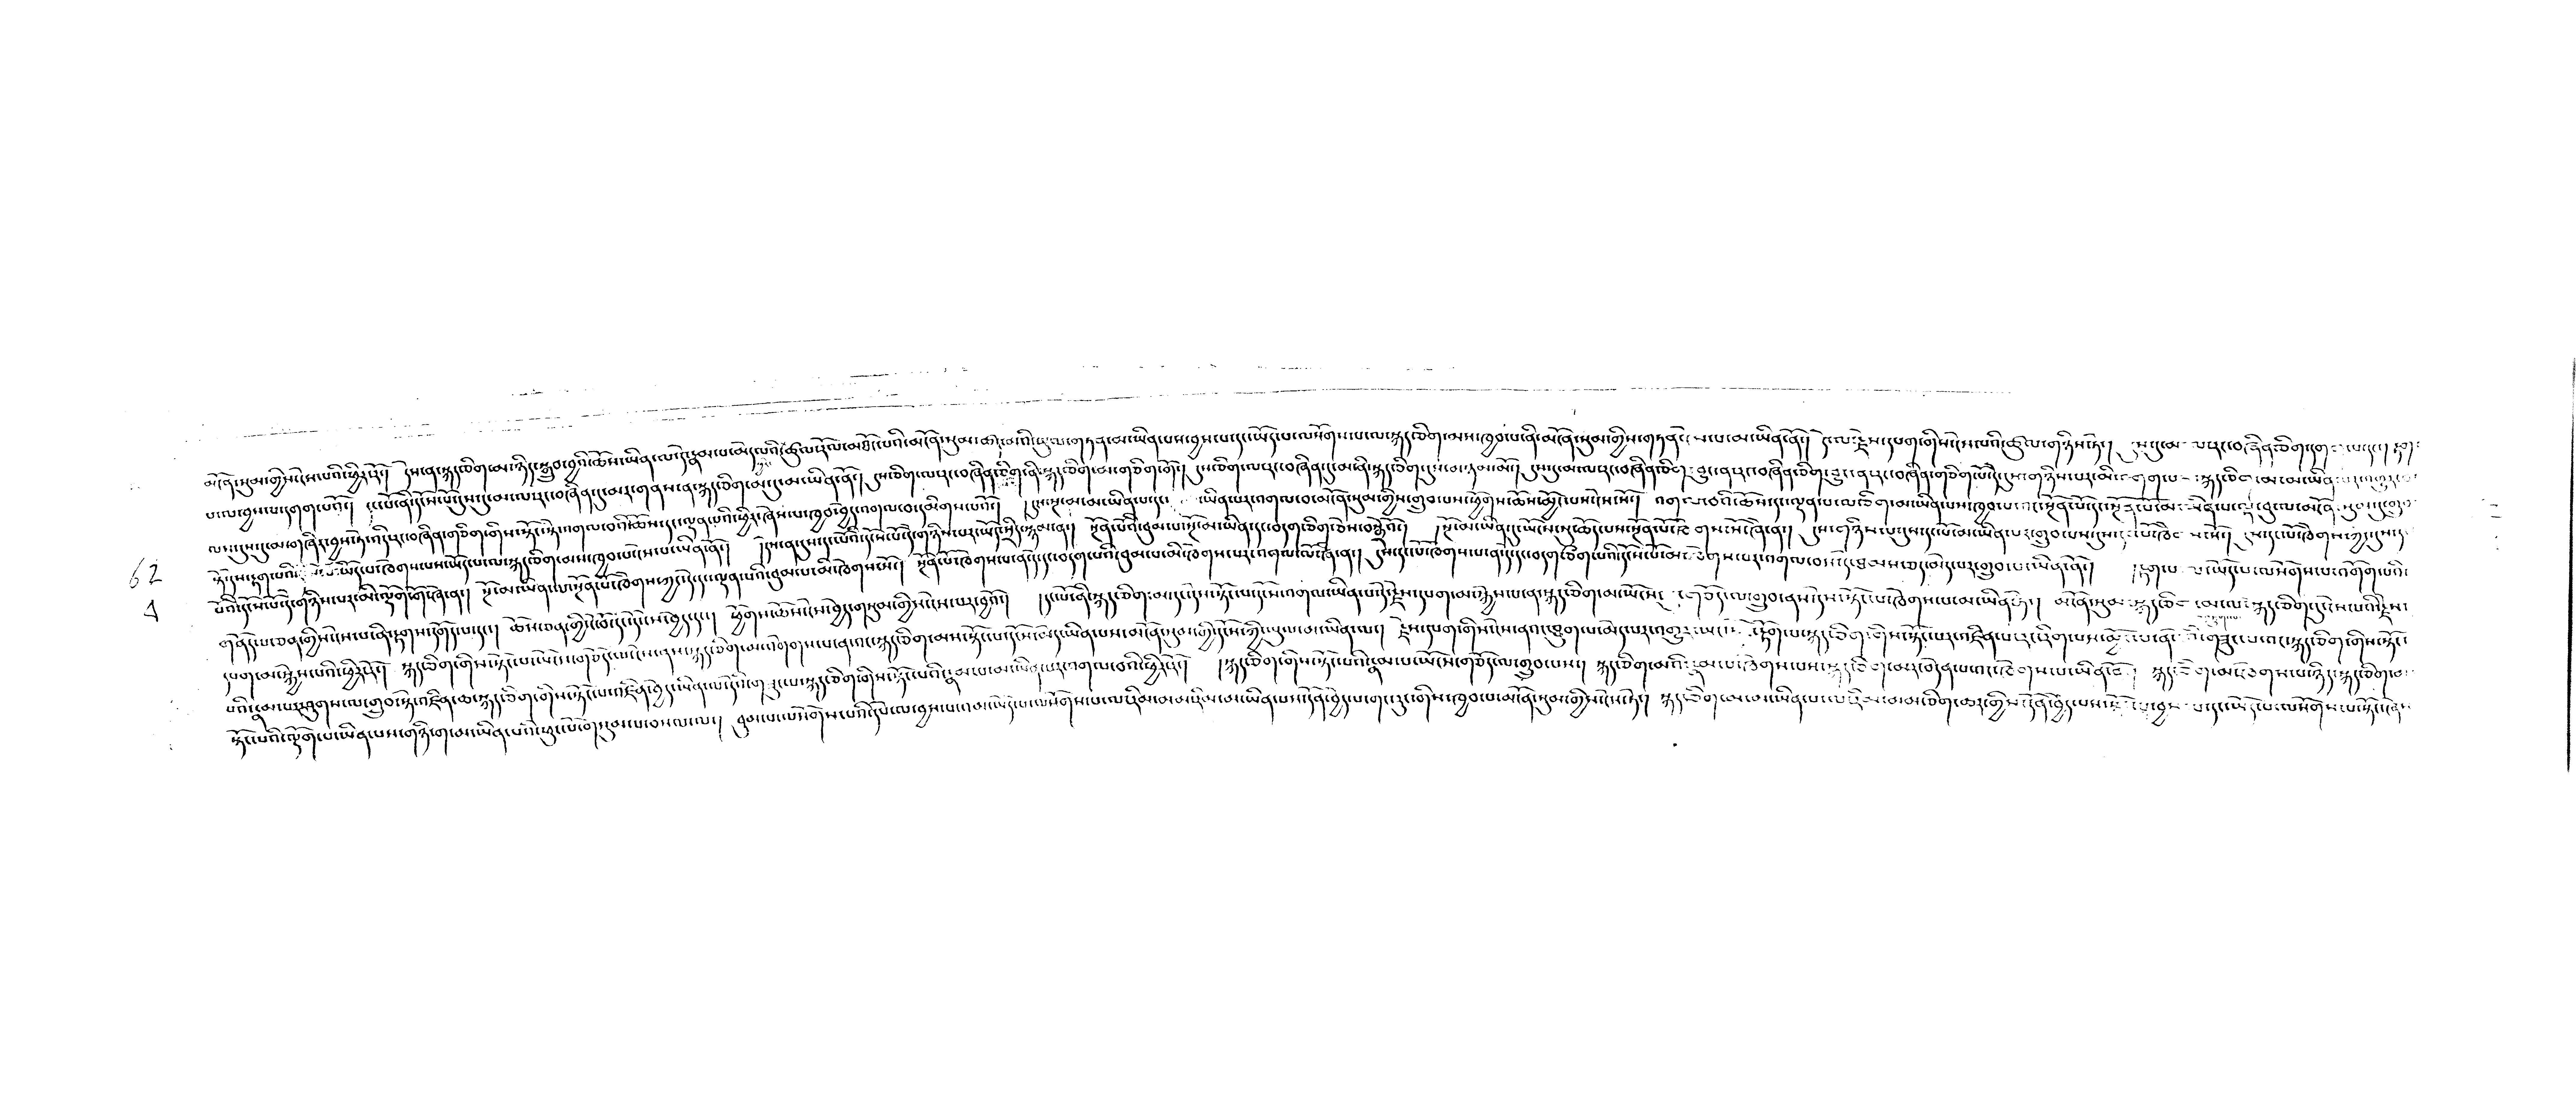མངོན་སུམ་གྱིས་ངེས་པའི་ཕྱིར་རོ། དེས་ན་སྐད་ཅིག་མ་ཉིད་སྒྲུབ་བྱའི་ཆོས་ཡིན་ལ་དེ་རྣམ་པ་མེད་པའི་ཚུལ་རོལ་མཐོང་པའི་མངོན་སུམ་ཚད་མའི་ཡུལ་གཏན་མ་ཡིན་པས་བྱས་པ་དང་ཡོད་པ་ལ་སོགས་པ་ལ་སྐད་ཅིག་མས་ཁྱབ་པ་ནི་མངོན་སུམ་གྱིས་གཏན་ངེས་པ་མ་ཡིན་ནོ། དེ་ལ་རྗེས་དཔག་གིས་ངེས་པའི་ཚུལ་གཉིས་ཏེ། དུས་དུ་མ་ལ་རང་བཞིན་ཅིག་དག?་པ་དང་། རྟག་
པ་ལ་བྱས་པ་དགག་པའོ། དང་པོ་ནི་དངོས་པོ་དུས་དུ་མ་ལ་རང་བཞིན་དུ་མར་གནས་ན་སྐད་ཅིག་མ་དུ་མ་ཡིན་ནོ། དུས་ཅིག་ལ་རང་བཞིན་ཅིག་ནི་སྐད་ཅིག་མ་གཅིག་གོ །དུས་ཅིག་ལ་རང་བཞིན་དུ་མ་ནི་སྐད་ཅིག་དུས་མཉམ་མོ། དུས་དུ་མ་ལ་རང་བཞིན་ཅིག་བྱུང་ན་རང་བཞིན་ཅིག་བྱུང་ན་རང་བཞིན་གཅིག་པོ་དེ་དུས་གཉིས་པར་མི་འགག་པས་སྐད་ཅིག་མ་མ་ཡིན་པར་འགྱུར་པ་
ལས་དུས་དུ་མ་གཞིར་བྱས་ཏེ་འདི་རང་བཞིན་གཅིག་གིས་སྟོང་སྟེ་འགལ་བའི་ཆོས་དང་ལྡན་པའི་ཕྱིར་ཞེས་པ་ཁྱབ་བྱེད་འགལ་བ་དམིགས་པའོ། །དུས་སྔ་མ་མ་ཡིན་པ་དང་། ཡིན་པར་འགལ་བ་མངོན་སུམ་གྱིས་གྲུབ་པས་ཕྱོགས་ཆོས་མྱོང་པས་ངེས་སོ། འགལ་བའི་ཆོས་དང་ལྡན་པ་ལ་ཅིག་མ་ཡིན་པས་ཁྱབ་པ་འང་སྔོན་པོ་དང་སྔོན་པོ་མ་ཡིན་པ་ལྟ་བུ་ལ་མངོན་སུམ་དུ་གྲུབ་
སྟེ་དེས་རྟག་པའི་དངོས་པོ་ཡོད་པ་ཁེགས་པས་ཡོད་པ་ལ་སྐད་ཅིག་མས་ཁྱབ་པ་ངེས་པ་ཡིན་ནོ། །དེས་ན་དུས་དང་པོའི་དངོས་པོ་དེ་གཉིས་པར་ཡོད་སྲིད་སྙམ་ན། སྔོན་པོའི་བུམ་པ་སྔོ་མ་ཡིན་དང་བདག་ཅིག་ཅེས་བསྒྲེའོ?། །སྔོ་མ་ཡིན་དུ་ཡོངས་སུ་ཆོད་པས་སྔོན་པོ་ཁེགས་སོ་ཞེ་ན། དུས་གཉིས་པ་དུས་དང་པོ་མ་ཡིན་པར་གྲུབ་པས་དུས་དང་པོ་ཁེགས་སོ། དུས་དང་པོ་ཁེགས་ཀྱང་དུས་དངོས?
པོའི་དངོས་པོ་དེ་གཉིས་པར་མི་ལྡོག་གོ་ཞེ་ན། སྔོ་མ་ཡིན་ལ་སྔོན་པོ་ཁེགས་ཀྱང་དེ་དང་ལྡན་པའི་བུམ་པ་མི་ཁེགས་སོ། སྔོན་པོ་ཁེགས་པ་ན་དེ་དང་བདག་པའི་བུམ་པ་མི་ཁེགས་པར་འགལ་ལོ་ཞེ་ན། དུས་དང་པོ་ཁེགས་པ་ན་དེ་དང་བདག་ཅིག་པའི་དངོས་པོ་བརྩེགས?་པར་འགལ་བས་དེ་ཐམས་ཅད་མེད་པར་གྲུབ་པ་ཡིན་ནོ། །རྟག་པ་ལ་ཡོད་པ་ལ་སོགས་པ་འགོག་པའི་
གནོད་པ་ཅན་གྱིས་ངེས་པ་ནི་རྟགས་དགོད་པ་དང་། ཆོས་ཅན་གྱི་ངོ་བོ་དང་དེ་ངེས་བྱེད་དང་། ཕྱོགས་ཆོས་ངེས་བྱེད་གསུམ་གྱིས་ངེས་པར་བྱའོ། །དང་པོ་ནི་སྐད་ཅིག་མ་དང་དེས་སྟོང་པ་དངོས་འགལ་ཡིན་པ་དེ་རྗེས་དཔག་མ་སྐྱེས་པ་ན་སྐད་ཅིག་མ་ཡོངས་སུ་གཅོད་ལ་གྲུབ་ནས་དེས་སྟོང་པ་ཁེགས་པ་མ་ཡིན་ཏེ། མངོན་སུམ་སྐད་ཅིག་མ་ལ་སྐད་ཅིག་དུ་ངེས་པའི་རྗེས་
དཔག་མ་སྐྱེས་པའི་ཕྱིར་རོ། སྐད་ཅིག་གིས་སྟོང་པ་?་གཅོད་པ་ངེས་ནས་སྐད་ཅིག་མ་འགོག་པ་ན་འང་སྐད་ཅིག་མས་སྟོང་པ་དངོས་མེད་ཡིན་པས་མངོན་སུམ་གྱི་དངོས་ཀྱི་ཡུལ་མ་ཡིན་ལ། རྗེས་དཔག་གིས་ངེས་ནའང་ཐུག་པ་མེད་པར་འགྱུར་ཡང་?རྟོག་པ་སྐད་ཅིག་གིས་སྟོང་པར་འཛིན་པ་རང་རིག་པས་མྱོང་པ་ན་དེའི?་གཟུང་པ་འང་སྐད་ཅིག་གིས་སྟོང་
པའི་རྣམ་པར་ཤུགས་ལ་གྲུབ་སྟེ་འཛིན་ཆ་སྐད་ཅིག་གིས་སྟོང་པ་འཛིན་བྱེད་ཡིན་ལ་དེའི་གཟུང་པ་སྐད་ཅིག་གིས་སྟོང་པའི་རྣམ་པ་མ་ཡིན་པར་འགལ་བའི་ཕྱིར་རོ། །སྐད་ཅིག་གིས་སྟོང་པའི་རྣམ་པ་ཡོངས་གཅོད་ལ་གྲུབ་པས། སྐད་ཅིག་མའི་རྣམ་པ་ཁེགས་པས་སྐད་ཅིག་མར་བདེན་པ་འང་ཁེགས་པ་ཡིན་ནོ། སྐད་ཅིག་མ་ཁེགས་པ་ཉིད་སྐད་ཅིག་མ་
སྟོང་པའི་ལྡོག་པ་ཡིན་པས་གཉི་ག་མ་ཡིན་པའི་ཕུང་པོ་གསུམ་པ་བསལ་ལ། བུམ་པ་ལ་སོགས་པའི་དཔེ་ལ་བྱས་པ་འམ་ཡོད་པ་ལ་སོགས་པ་ལ་རིམ་མམ་རིམ་མ་ཡིན་པས་དོན་བྱེད་པ་གང་རུང་གིས་ཁྱབ་པ་མངོན་སུམ་གྱིས་ངེས་ཏེ། སྐད་ཅིག་མ་མ་ཡིན་པ་ལ་རིམ་མམ་ཅིག་ཆར་གྱིས་དོན་བྱེད་པས་?་བྱས་པ་དང་ཡོད་པ་ལ་སོགས་པ་སྟོང་ཞེས་